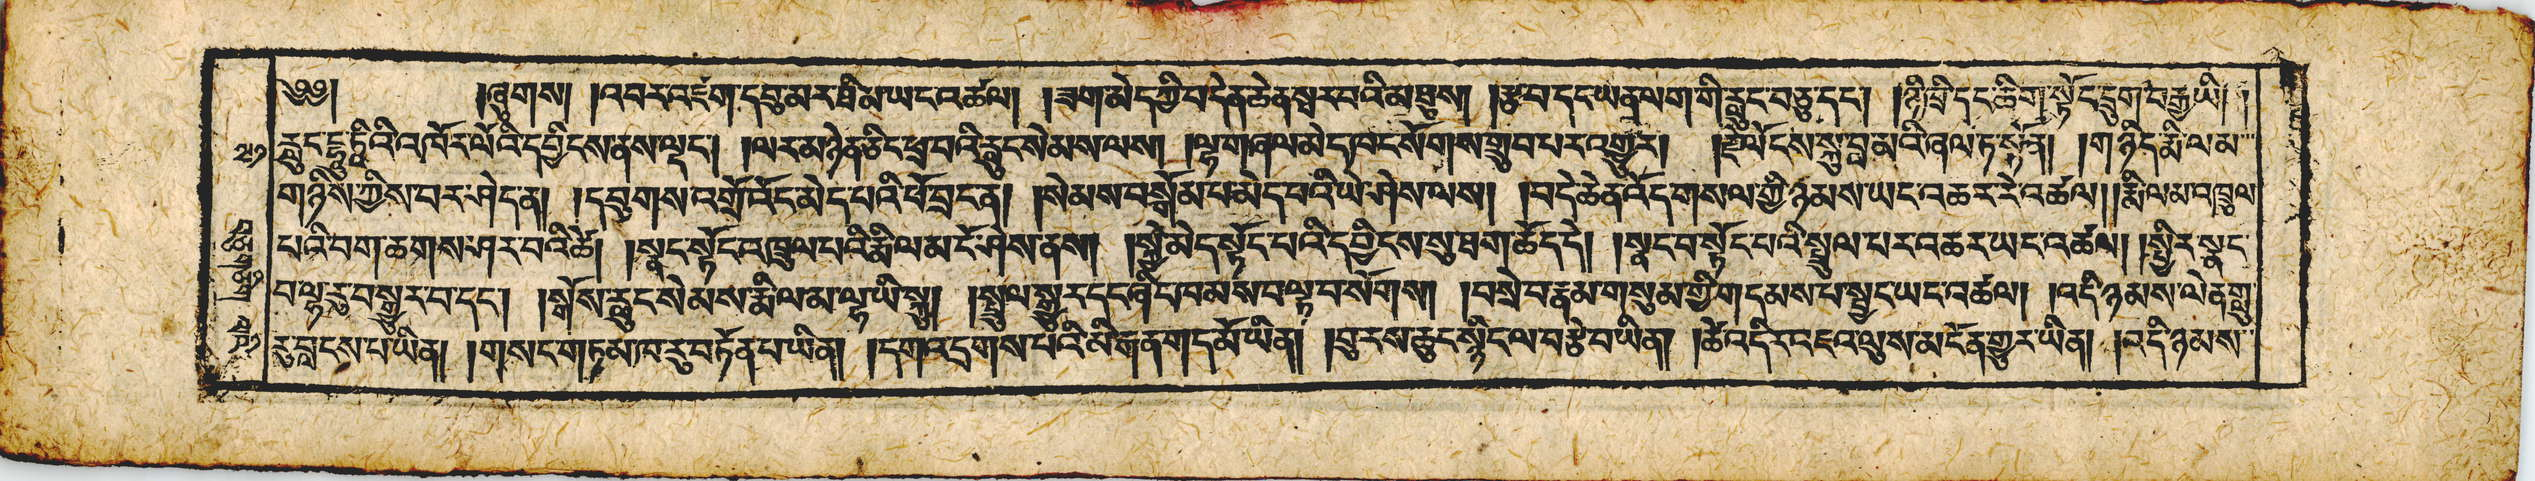ཞུགས། །འབར་འཛག་དབུ་མར་ཐིམ་ཡང་འཚལ། །ཟག་མེད་ཀྱི་བདེ་ཆེན་སྤར་བའི་མཐུས། །རྩ་བ་དང་ཡན་ལག་གི་རླུང་བཅུ་དང་། །ཉི་ཁྲི་དང་ཆིག་སྟོང་དྲུག་བརྒྱ་ཡི། 
རླུང་དྷུ་ཏཱིའི་འཁོར་ལོའི་དབྱིངས་ནས་ལྡང་། །ལར་མཉེན་ཅིང་ཕྲ་བའི་རླུང་སེམས་ལས། །ལྷ་གཞལ་མེད་ཁང་སོགས་གྲུབ་པར་འགྱུར། །རྗེ་ལོངས་སྐུ་བླ་མའི་ཞལ་ཏ་སྟོན། །གཉིད་རྨི་ལམ་
གཉིས་ཀྱིས་བར་ཤེད་ན། །དབུགས་འགྲོ་འོང་མེད་པའི་ཕོ་བྲང་ན། །སེམས་བསྒོམ་པ་མེདཔའི་ཡེ་ཤེས་ལས། །བདེ་ཆེན་འོད་གསལ་གྱི་ཉམས་ཡང་འཆར་རེ་འཚལ། །རྨི་ལམ་འཁྲུལ་
པའི་བག་ཆགས་ཤར་བའི་ཚེ། །སྣང་སྟོང་འཁྲུལ་པའི་རྨི་ལམ་ངོ་ཤེས་ནས། །སྐྱེ་མེད་སྟོང་པའི་དབྱིངས་སུ་ཐག་ཆོད་དེ། །སྣང་བ་སྟོང་པའི་སྤྲུལ་པར་འཆར་ཡང་འཚལ། །སྤྱིར་སྣང་
བ་ལྷ་རུ་བསྒྱུར་བ་དང་། །སྒོས་རླུང་སེམས་རྨི་ལམ་ལྷ་ཡི་སྐུ། །སྤྲུལ་སྒྱུར་དང་ཞིང་ཁམས་བལྟ་བ་སོགས། །བསྲེ་བ་རྣམ་གསུམ་གྱི་གདམས་པ་སྦྱང་ཡང་འཚལ། །འདི་ཉམས་ལེན་གླུ་
རུ་བླངས་པ་ཡིན། །གསང་གཏམ་ཁ་རུ་བཏོན་པ་ཡིན། །དགའ་དྲགས་པའི་མི་རྒན་གད་མོ་ཡིན། །བུ་རས་ཆུང་སྙིང་ལ་བརྩེ་བ་ཡིན། །ཚེ་འདི་འཇའ་ལུས་མངོན་གྱུར་ཡིན། །འདི་ཉམས་